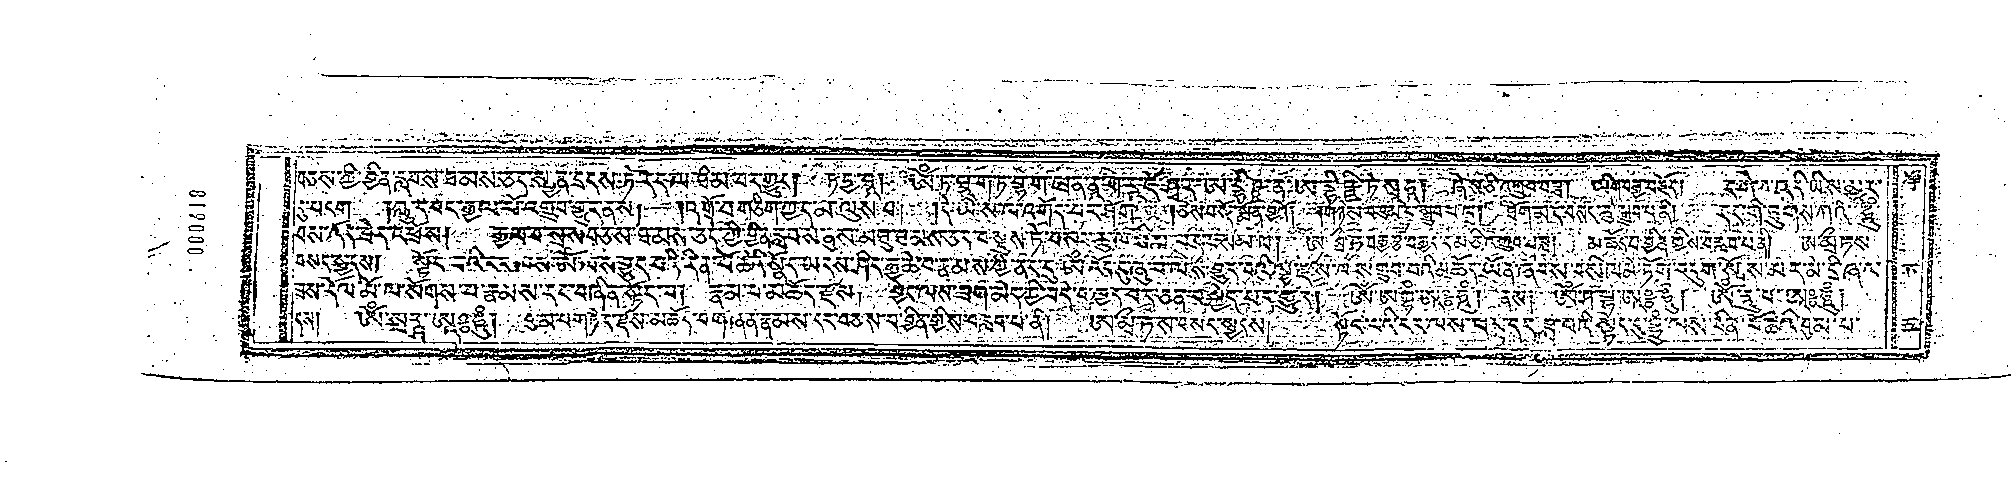ཅས་ཀྱི་བྱིན་རླབས་ཐམས་ཅད་སྤྱན་དྲངས་ཏེ་རང་ལ་ཐིམ་བར་གྱུར། ཏདྱ་ཐཱ། ཨོཾ་ཏ་ཐཱ་ག་ཏ་བྷ་ག་ཝན་ནཱ་ག་རཱ་ཛེ་ཤྭ་ར་ཨ་དྷིཥཊཿཨ་ན་ཨ་དྷིཥཊཿཨི་ཏེ་སྭཱཧཱ། ཞེས་ཅི་འགྲུབ་བཟླ། ཡིག་བརྒྱ་བརྗོད། དགེ་བ་འདི་ཡིས་མྱུར་
དུ་བདག །ཀླུ་དབང་རྒྱལ་པོ་འགྲུབ་གྱུར་ནས། །འགྲོ་བ་གཅིག་ཀྱང་མ་ལུས་པ། །དེ་ཡི་ས་ལ་འགོད་པར་ཤོག །ཅེས་བསྡོ་སྨོན་བྱའོ། །གཉེས་བ་བུམ་པ་སྒྲུབ་པ་ལ། ཐོག་མར་བསང་ཆུ་སྒྲུབ་པ་ནི། རང་གི་ཐུགས་ཀའི་ཧཱུཾ་
བས་འོད་བྲེར་འཕྲོས། རྒྱལ་བ་སྲས་བཅས་ཐམས་ཅད་ཀྱི་བྱིན་རླབས་ནུས་མཐུ་ཐམས་ཅད་བསྡུས་ཏེ་བསང་ཆུ་ལ་ཐིམ་པར་བསམ་ལ། ཨ་མྲྀ་ཏ་བརྒྱ་རྩ་བརྒྱད་དམ་ཅི་འགྲུབ་བཟླ། མཆོད་པ་བྱིན་གྱིས་བརླབ་པ་ནི། ཨ་མྲྀ་ཏས་
བསད་སྦྱངས། སྟོང་བའི་དང་ལས་ཨོཾ་ལས་བྱུང་བའི་རིན་པོ་ཆེའི་སྣོད་ཡངས་ཤིང་རྒྱ་ཆེ་བ་རྣམས་ཀྱི་ནང་དུ་ཨོཾ་འོད་དུ་ཞུ་བ་ལས་བྱུང་བའི་ལྷ་རྫས་ལས་གྲུབ་པའི་མཆོད་ཡོན་ཞབས་བསིལ་མེ་ཏོག་བདུག་སྤོས་མར་མེ་དྲི་ཞལ་
ཟས་རོལ་མོ་ལ་སོགས་པ་རྣམས་རང་བཞིན་སྟོང་པ། རྣམ་པ་མཆོད་རྫས། བྱེད་ལས་ཟག་མེད་ཀྱི་བདེ་བ་ཁྱད་པར་ཅན་བསྐྱེད་པར་གྱུར། ཨོཾ་ཨ་གྷཾ་ཨཱཿ་ཧཱུཾ། ནས། ཨོཾ་ཤཔྟ་ཨཱཿ་ཧཱུཾ། ཨོཾ་རཱུ་པ་ཨཱཿ་ཧཱུཾ།
དས། ཨོཾ་སྤརྴ་ཨཱཿ་ཧཱུཾ། བུམ་པ་གཏེར་རྫས་མཆོད་བ་གཞན་རྣམས་དང་བཅས་བ་བྱིན་གྱིས་བརླབ་བ་ནི། ཨ་མྲྀ་ཏས་བསང་སྦྱངས། སྟོང་པའི་ངང་ལས་པར་དང་ཟླ་བའི་སྟེང་དུ་བྷྲུཾ་ལས་རིན་པོ་ཆེའི་བུམ་པ་